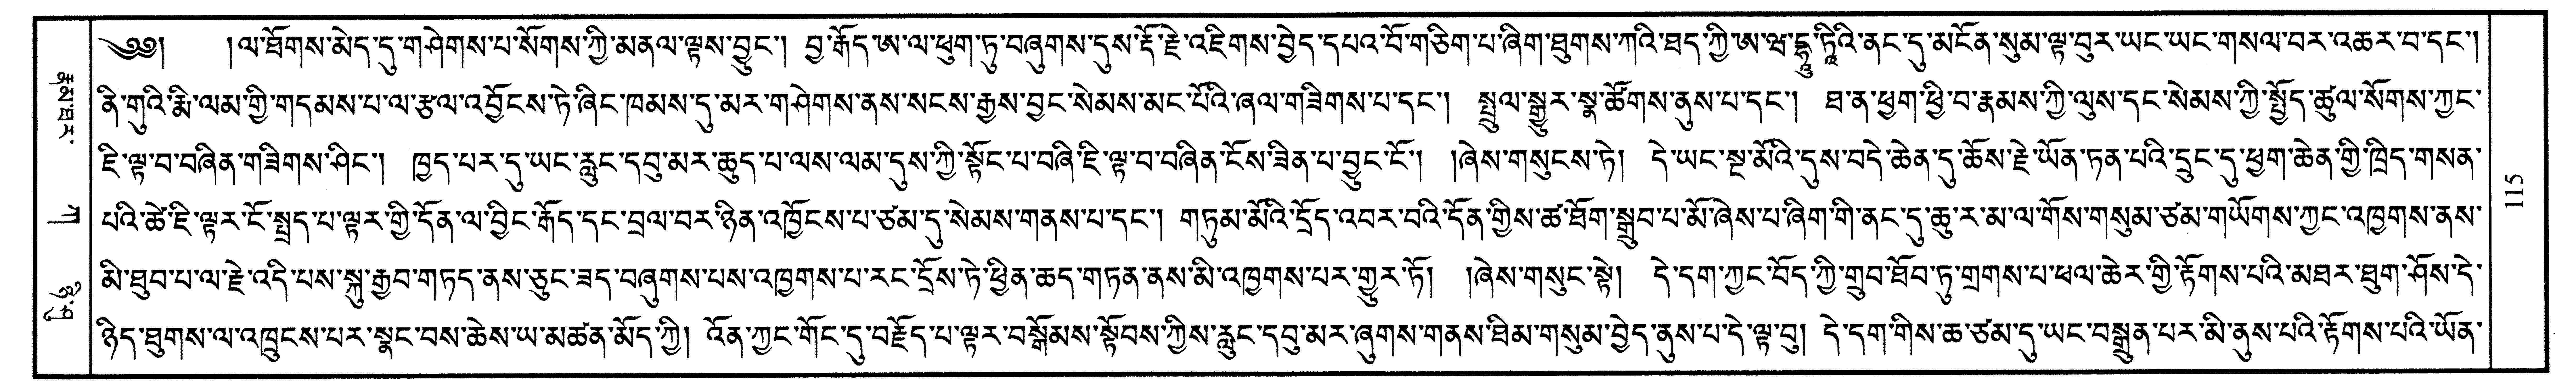༄༅། །ལ་ཐོགས་མེད་དུ་གཤེགས་པ་སོགས་ཀྱི་མནལ་ལྟས་བྱུང་། བྱ་རྒོད་ཨ་ལ་ཕུག་ཏུ་བཞུགས་དུས་རྡོ་རྗེ་འཇིགས་བྱེད་དཔའ་བོ་གཅིག་པ་ཞིག་ཐུགས་ཀའི་ཐད་ཀྱི་ཨ་ཝ་དྷཱུ་ཏཱིའི་ནང་དུ་མངོན་སུམ་ལྟ་བུར་ཡང་ཡང་གསལ་བར་འཆར་བ་དང་།
ནི་གུའི་རྨི་ལམ་གྱི་གདམས་པ་ལ་རྩལ་འབྱོངས་ཏེ་ཞིང་ཁམས་དུ་མར་གཤེགས་ནས་སངས་རྒྱས་བྱང་སེམས་མང་པོའི་ཞལ་གཟིགས་པ་དང་། སྤྲུལ་སྒྱུར་སྣ་ཚོགས་ནུས་པ་དང་། ཐ་ན་ཕྱག་ཕྱི་བ་རྣམས་ཀྱི་ལུས་དང་སེམས་ཀྱི་སྤྱོད་ཚུལ་སོགས་ཀྱང་
ཇི་ལྟ་བ་བཞིན་གཟིགས་ཤིང་། ཁྱད་པར་དུ་ཡང་རླུང་དབུ་མར་ཆུད་པ་ལས་ལམ་དུས་ཀྱི་སྟོང་པ་བཞི་ཇི་ལྟ་བ་བཞིན་ངོས་ཟིན་པ་བྱུང་ངོ། །ཞེས་གསུངས་ཏེ། དེ་ཡང་སྔ་མོའི་དུས་བདེ་ཆེན་དུ་ཆོས་རྗེ་ཡོན་ཏན་པའི་དྲུང་དུ་ཕྱག་ཆེན་གྱི་ཁྲིད་གསན་
པའི་ཚེ་ཇི་ལྟར་ངོ་སྤྲད་པ་ལྟར་གྱི་དོན་ལ་བྱིང་རྒོད་དང་བྲལ་བར་ཉིན་འཁྱོངས་པ་ཙམ་དུ་སེམས་གནས་པ་དང་། གཏུམ་མོའི་དྲོད་འབར་བའི་དོན་གྱིས་ཚ་ཐོག་སྒྲུབ་པ་མོ་ཞེས་པ་ཞིག་གི་ནང་དུ་ཆུ་ར་མ་ལ་གོས་གསུམ་ཙམ་གཡོགས་ཀྱང་འཁྱགས་ནས་
མི་ཐུབ་པ་ལ་རྗེ་འདི་པས་སྐུ་རྒྱབ་གཏད་ནས་ཅུང་ཟད་བཞུགས་པས་འཁྱགས་པ་རང་དྲོས་ཏེ་ཕྱིན་ཆད་གཏན་ནས་མི་འཁྱགས་པར་གྱུར་ཏོ། །ཞེས་གསུངས་ཏེ། དེ་དག་ཀྱང་བོད་ཀྱི་གྲུབ་ཐོབ་ཏུ་གྲགས་པ་ཕལ་ཆེར་གྱི་རྟོགས་པའི་མཐར་ཐུག་ཤོས་དེ་
ཉིད་ཐུགས་ལ་འཁྲུངས་པར་སྣང་བས་ཆེས་ཡ་མཚན་མོད་ཀྱི། འོན་ཀྱང་གོང་དུ་བརྗོད་པ་ལྟར་བསྒོམས་སྟོབས་ཀྱིས་རླུང་དབུ་མར་ཞུགས་གནས་ཐིམ་གསུམ་བྱེད་ནུས་པ་དེ་ལྟ་བུ། དེ་དག་གིས་ཆ་ཙམ་དུ་ཡང་བསྒྲུན་པར་མི་ནུས་པའི་རྟོགས་པའི་ཡོན་